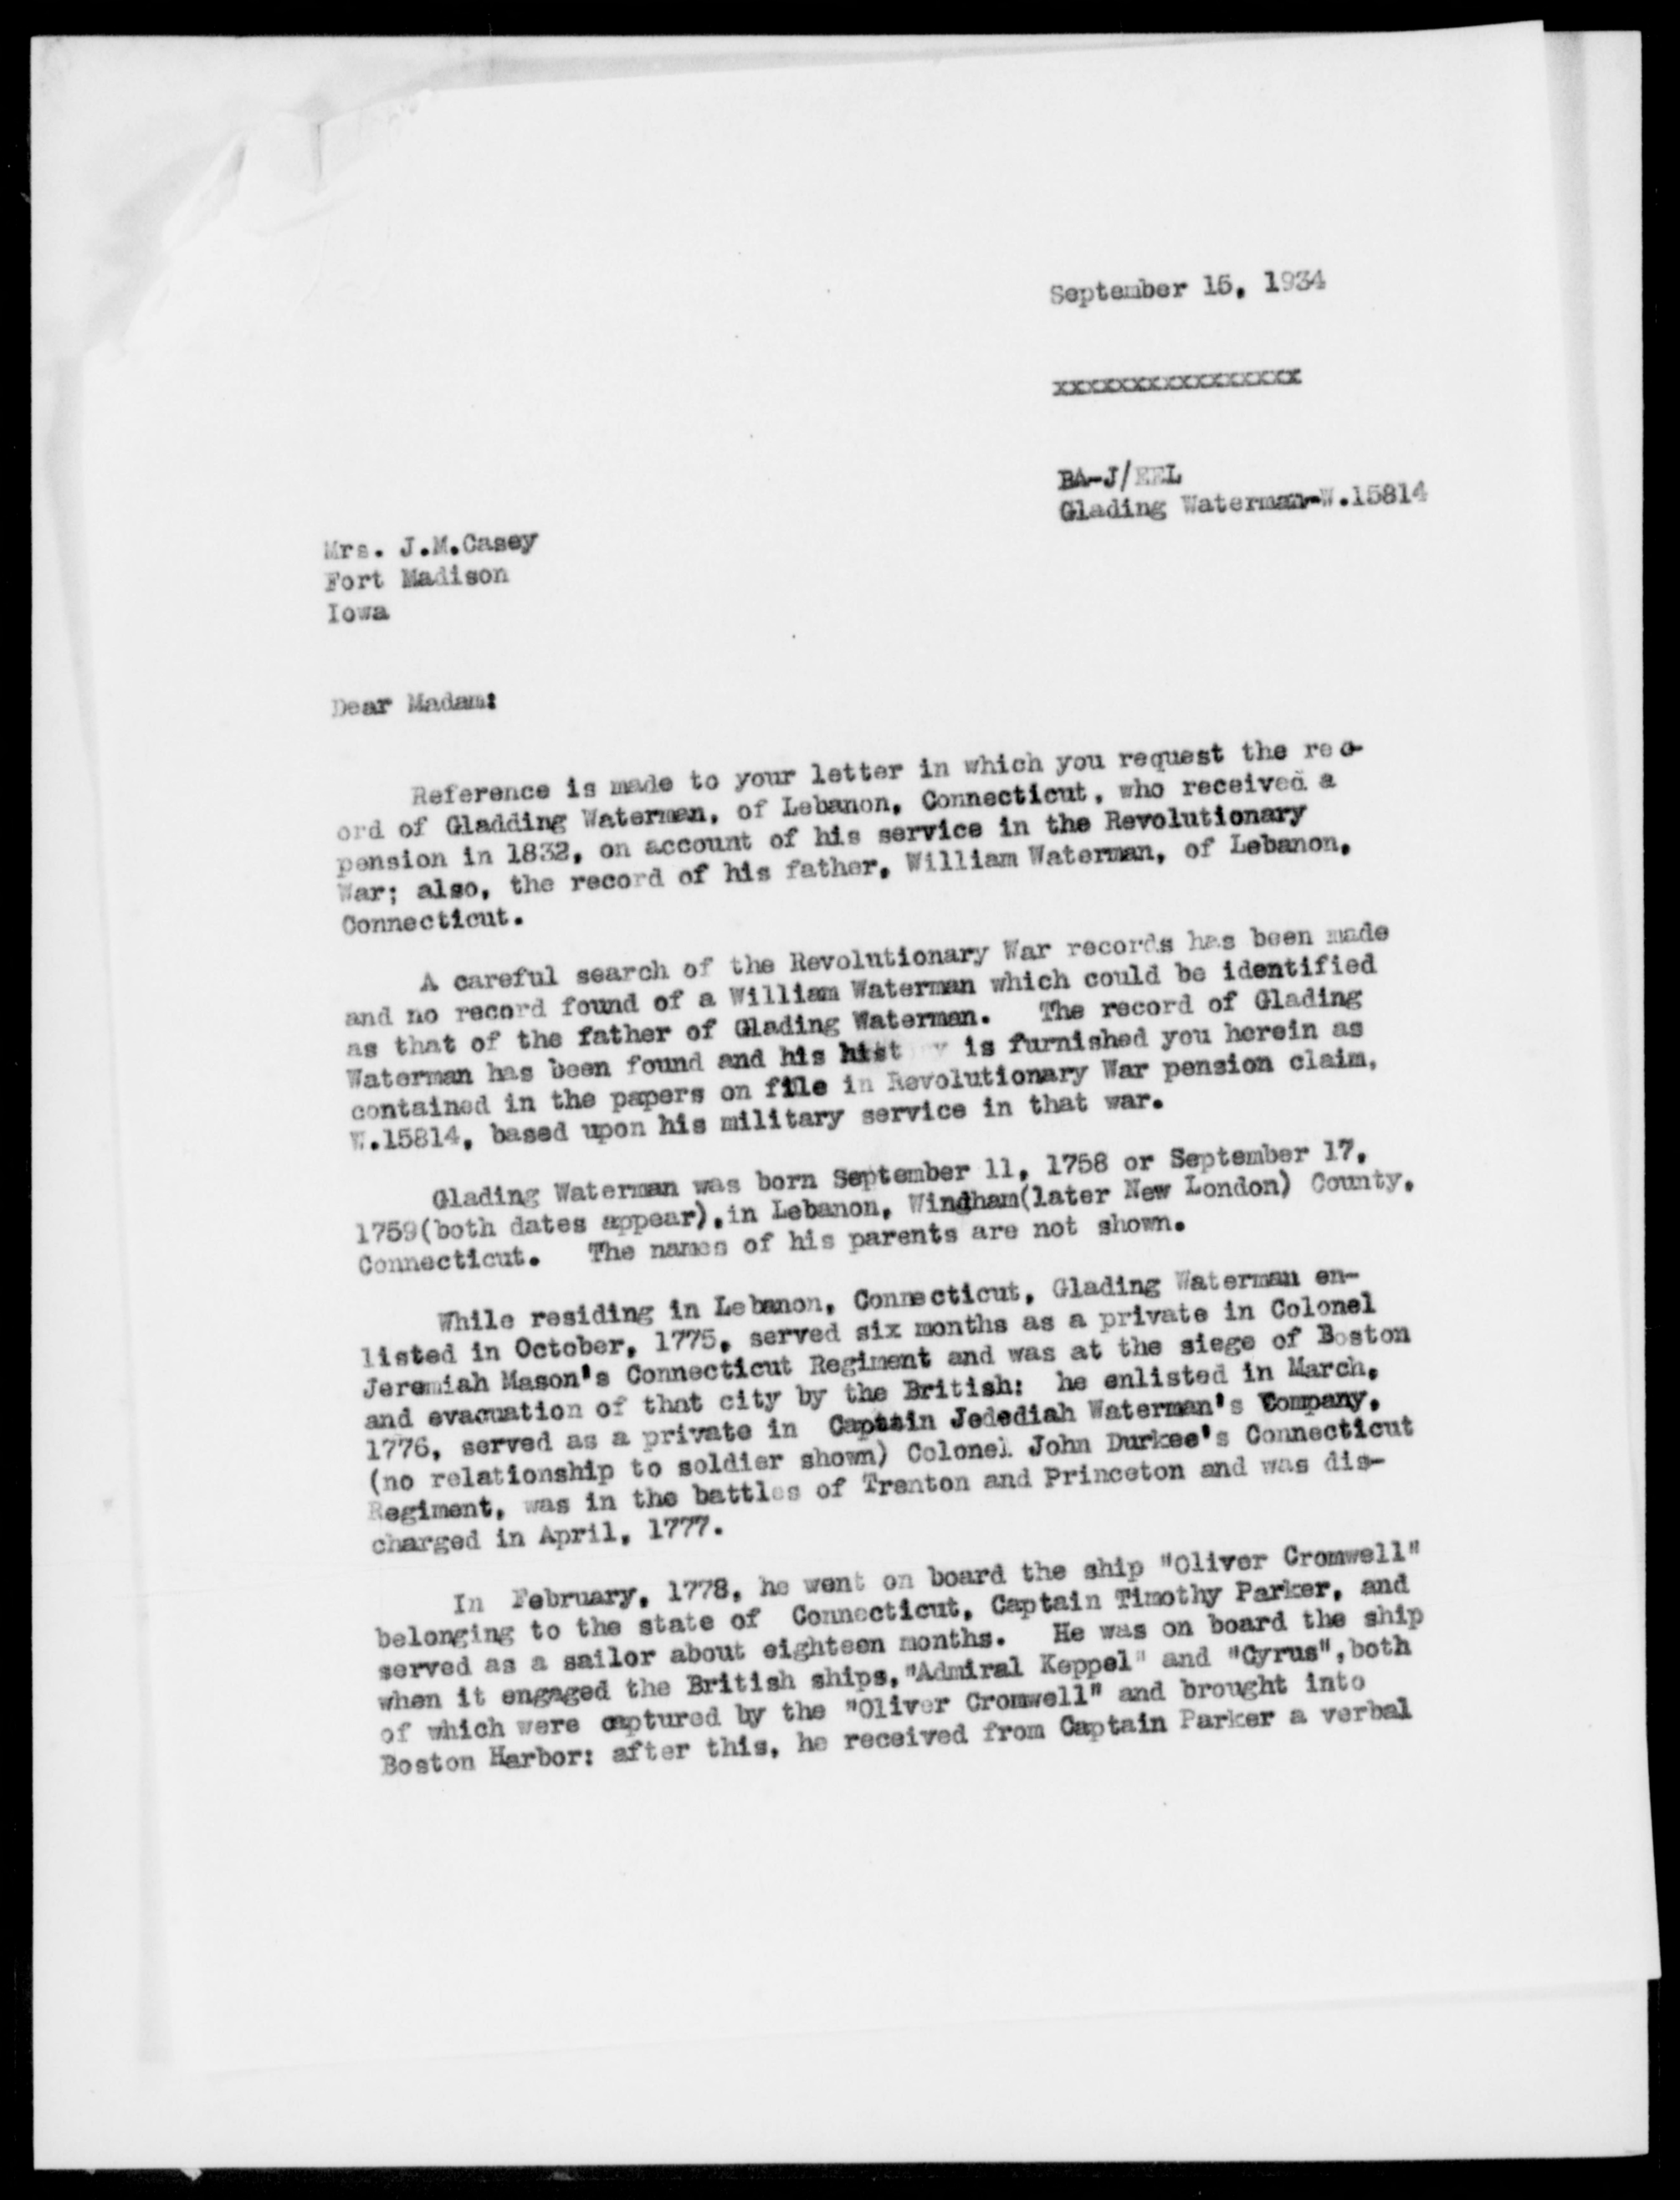BA-J/EEL
Glading Waterman - W.15814

Mrs. J. M. Casey
Fort Madison
Iowa

Dear Madam:

          Reference is made to your letter in which you request the record of Gladding Waterman, of Lebanon, Connecticut, who received a pension in 1832, on account of his service in the Revolutionary War; also, the record of his father, William Waterman, of Lebanon, Connecticut.

             A careful search of the Revolutionary War records has been made and no record found of a William Waterman which could be identified as that of the father of Glading Waterman. The record of Glading Waterman has been found and his history is furnished you herein as contained in the papers on file in Revolutionary War pension claim, W.15814, based upon his military service in that war.

               Glading Waterman was born September 11, 1758 or September 17, 1759 (both dates appear), in Lebanon, Windham (later New London) County, Connecticut. The names of his parents are not shown.

                While residing in Lebanon,  Connecticut, Glading Waterman enlisted in October, 1775, served six months as a private in Colonel Jeremiah Mason's Connecticut Regiment and was at the siege of Boston and evacuation of that city by the British: he enlisted in March, 1776, served as a private in Captain Jedediah Waterman's Company (no relationship to soldier shown) Colonel John Durkee's Connecticut Regiment, was in the battles of Trenton and Princeton and was discharged in April, 1777.

                   In February, 1778, he went on board the ship "Oliver Cromwell" belonging to the state of Connecticut, Captain Timothy Parker, and served as a sailor about eighteen months. He was on board the ship when it engaged the British ships, "Admiral Keppel" and Cyrus, both of which were captured by the "Oliver Cromwell" and brought into Boston Harbor: after this, he received from Captain Parker a verbal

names: Glading Waterman, Timothy Parker, J M Casey, Oliver Cromwell, William Waterman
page: 27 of 50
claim: widow's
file: W. 15814, Glading Waterman, Conn. Conn. Sea Service Continental